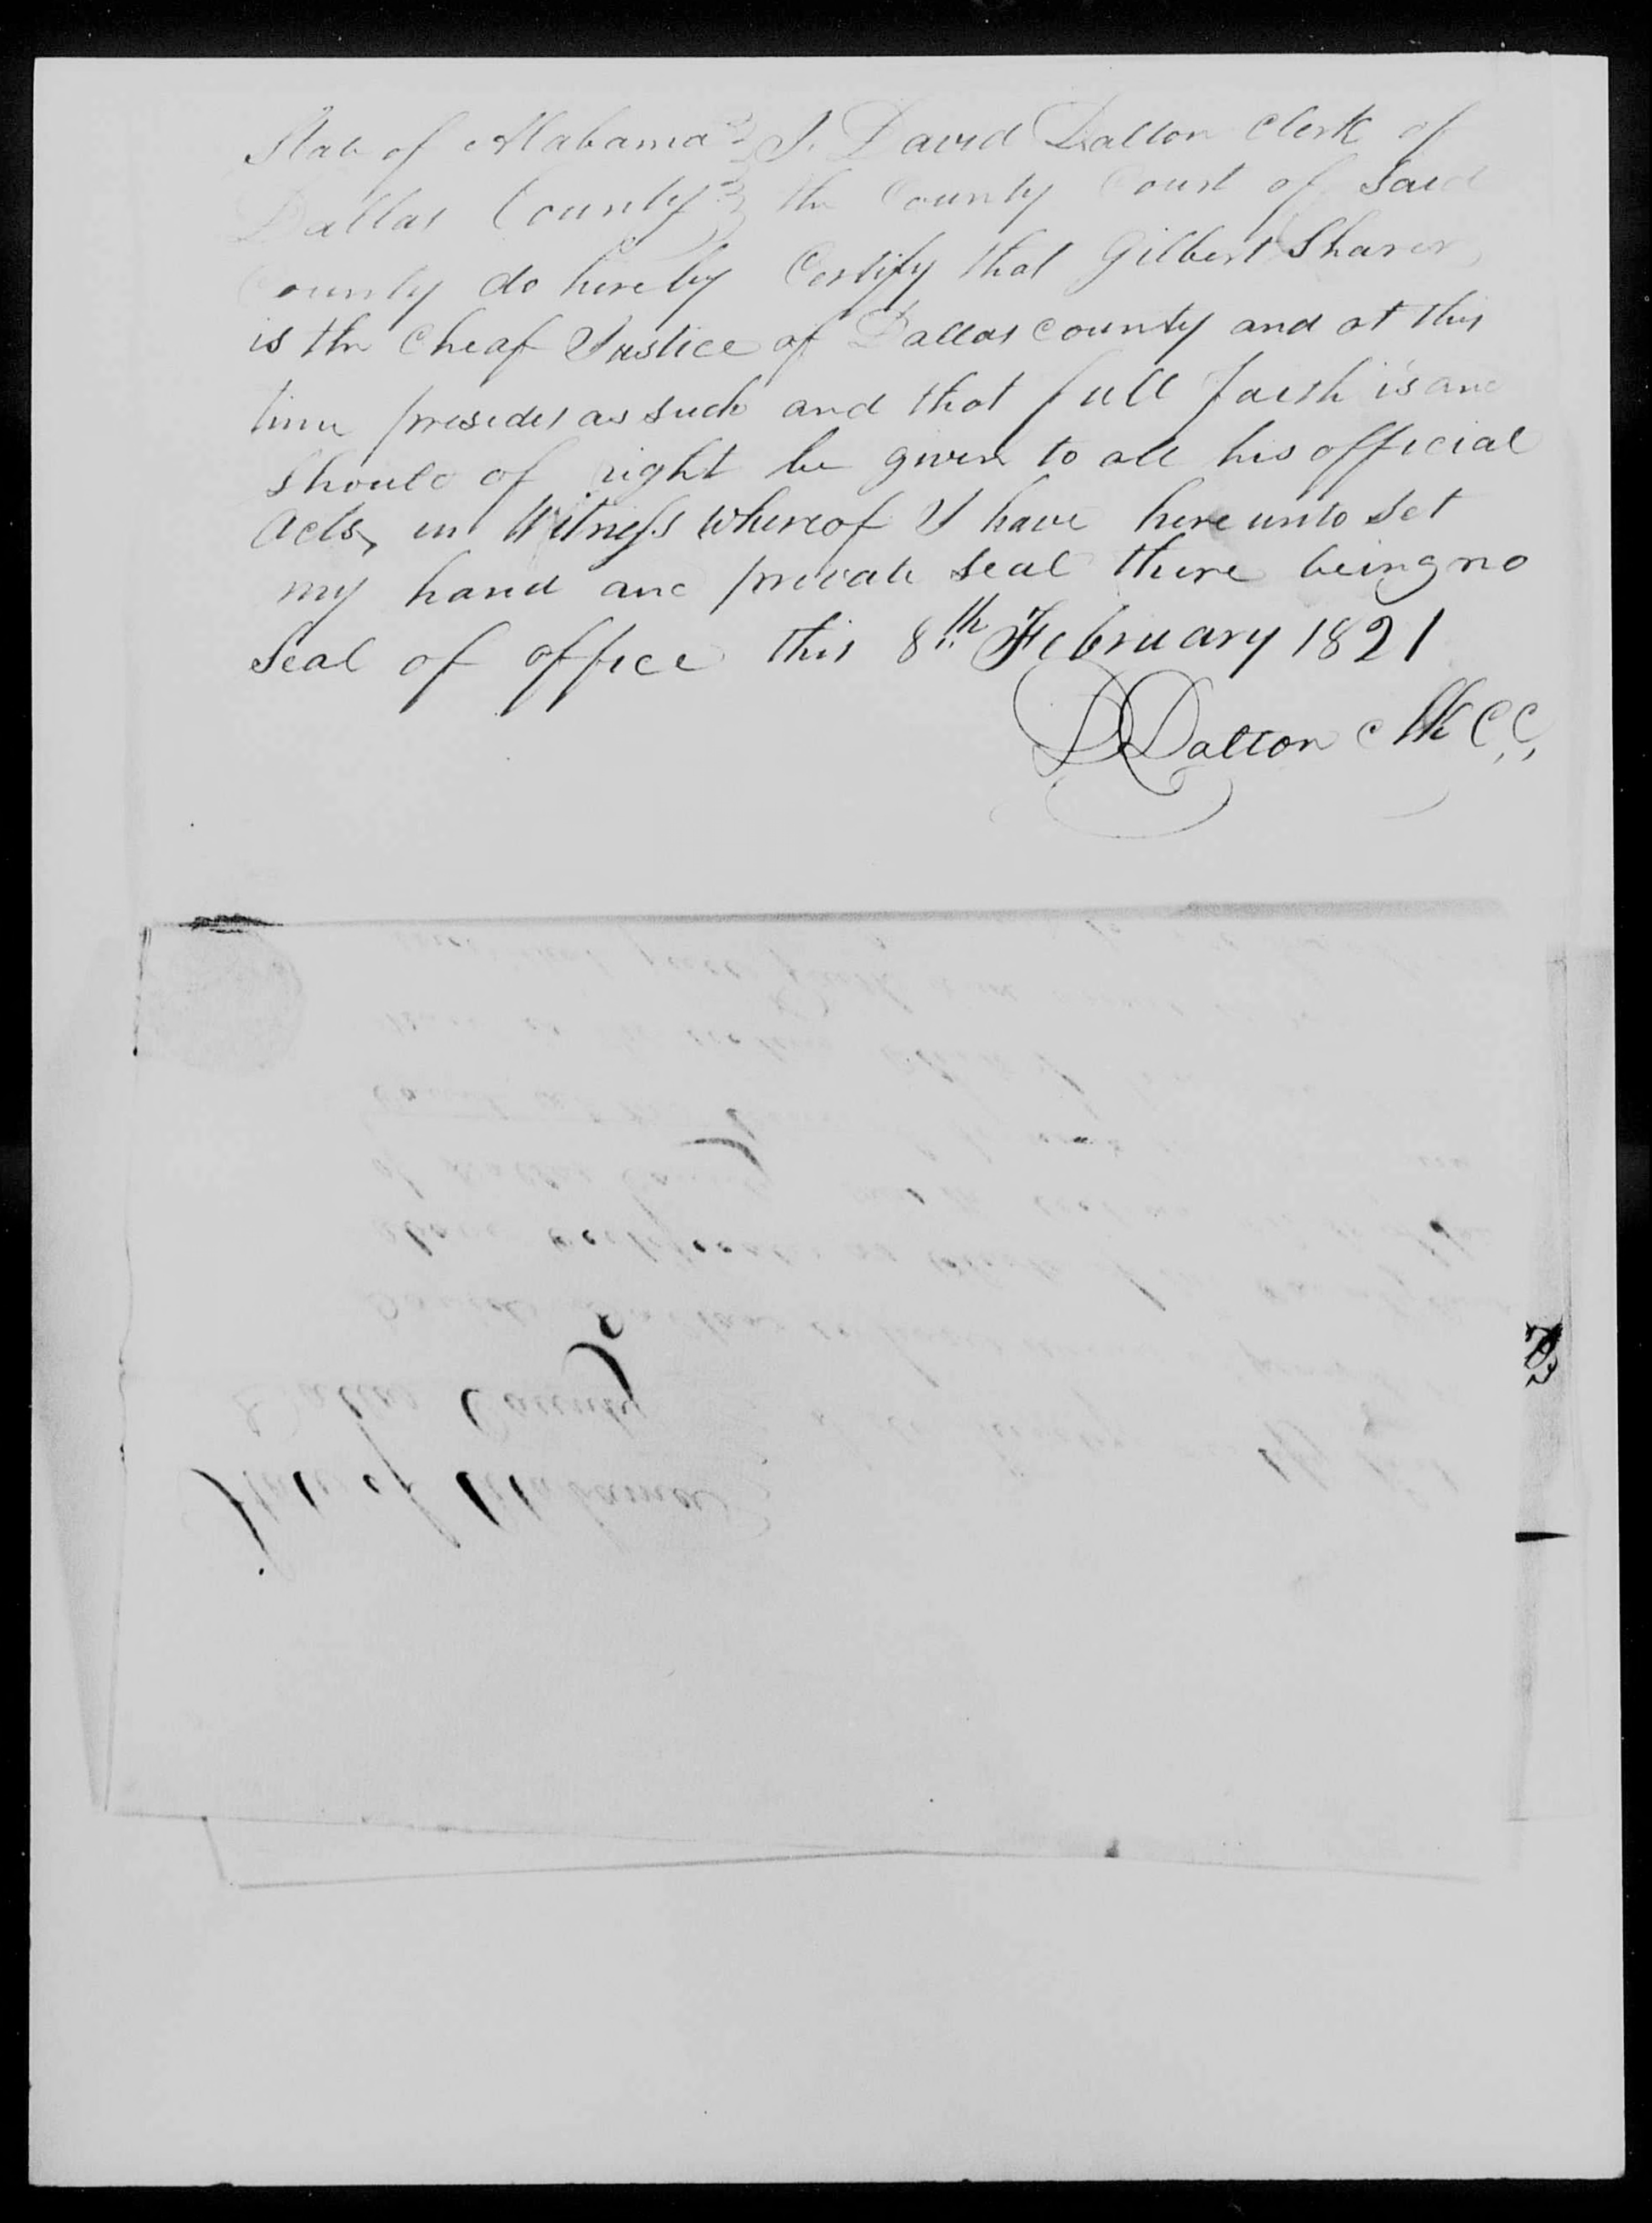State of Alabama }
Dallas County }
I David Dalton clerk of the county Court of said County do hereby certify that Gilbert Sharon is the cheaf [sic: chief] Justice of Dallas county and at this time presides as such and that full faith is and should of right be given to all his official Acts in Witness whereof I have hereunto set my hand and private seal there being no seal of office this 8th February 1821
S/D Dalton clk C.C.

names: Gilbert Sharer, David Dalton, D Dalton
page: 12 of 29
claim: survivor's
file: S. 37,795, Benjamin Bolton, N.C.